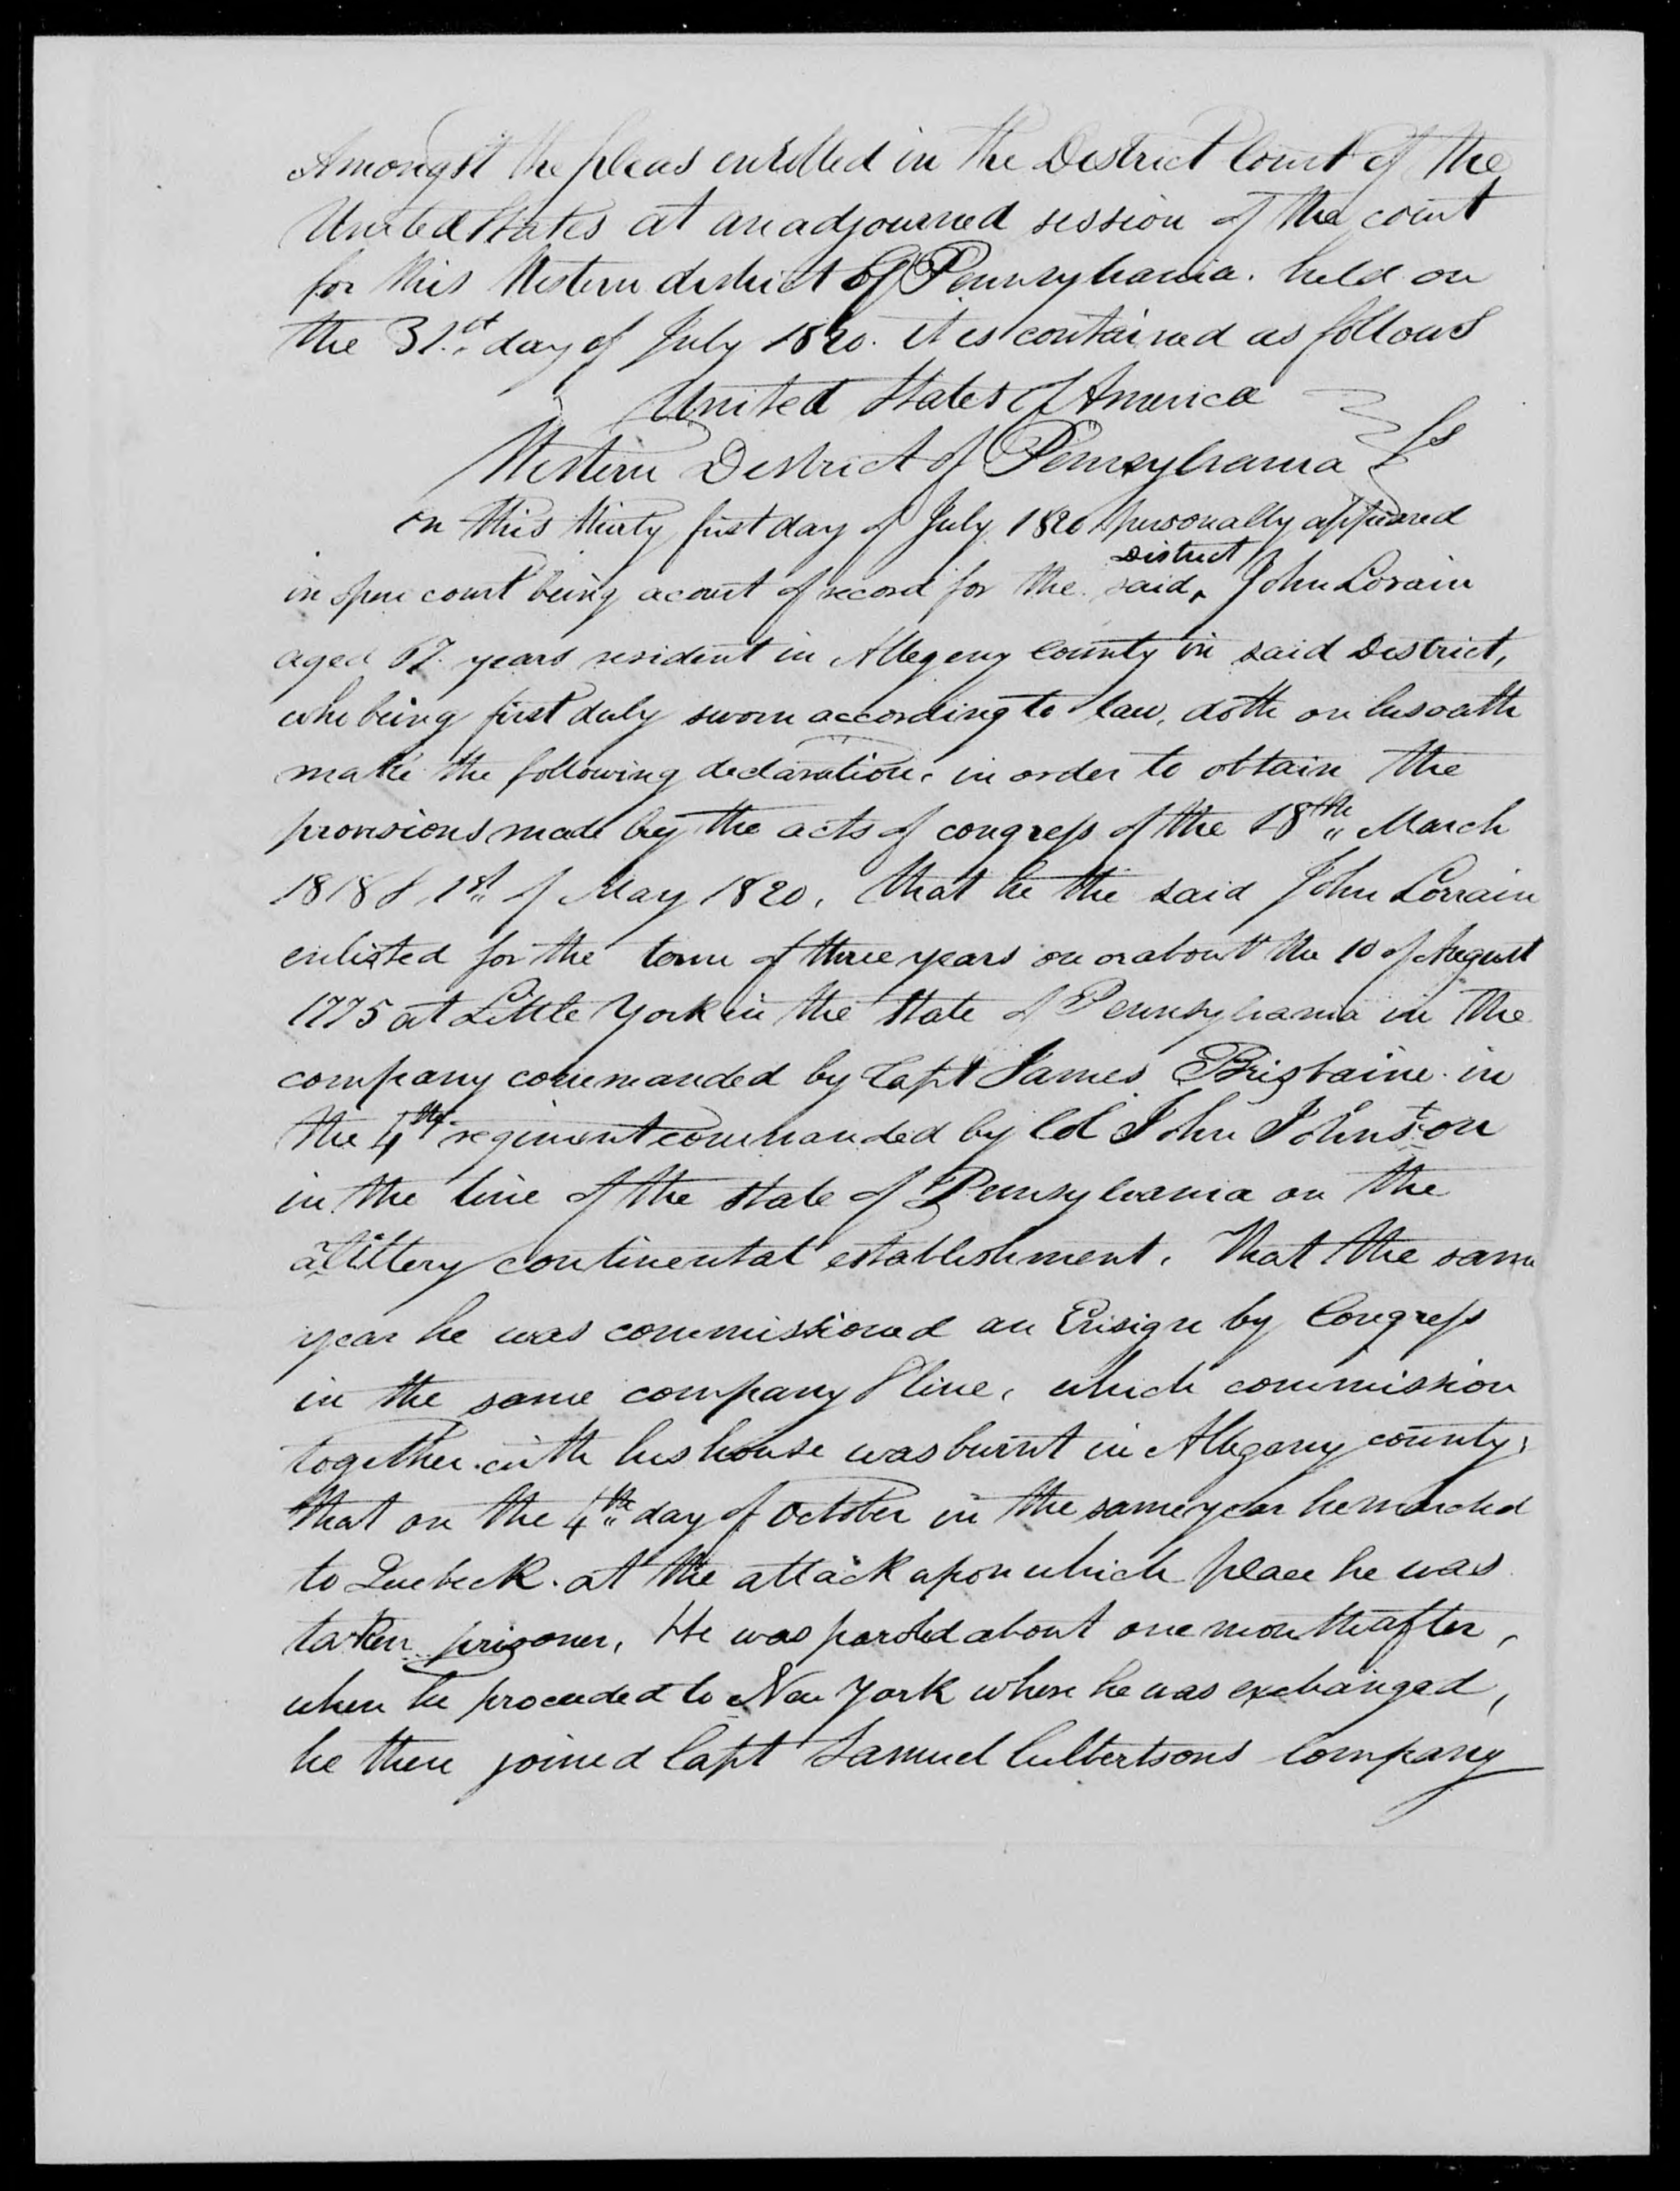Amongst the pleas enrolled in the District Court of the United States at an adjourned session of the court for this western district of Pennsylvania held on the 31st day of July 1820 it is contained as follows
United States of America
Western District of Pennsylvania  fs

on this thirty first day of July 1820 personally appeared in open court being a court of record for the said district John Lorain  aged 67 years resident in Allegany County in said district, who being first duly sworn according to law, doth  on his oath make the following declarations, in order to obtain the provisions made by the acts of congrefs [congress] of the 18th March 1818, 1st of May 1920, that he the said John Lorrain enlisted for the tour of three years on or about the 10 of August 1775 at Little York in the State of Pennsylvania in the company commanded by Capt. James Brisbaine in the 4th regiment commanded by Col. John Johnston in the line of the state of Pennsylvania on the artillery continental establishment.  That the same year he was commissioned as Ensign by Congrefs [Congress] in the same company & line, which commission together with his house was burnt in Allegany county. That on the 4th day of October in the same year he marched to Quebeck [Quebec] at the attack upon which place he was taken prisoner.  He was paroled about one month after, when he proceeded to New York where he was exchanged, he there joined Capt Samuel Culbertsons Company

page: 3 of 21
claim: survivor's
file: S. 40,098, for John Lorain, Pennsylvania